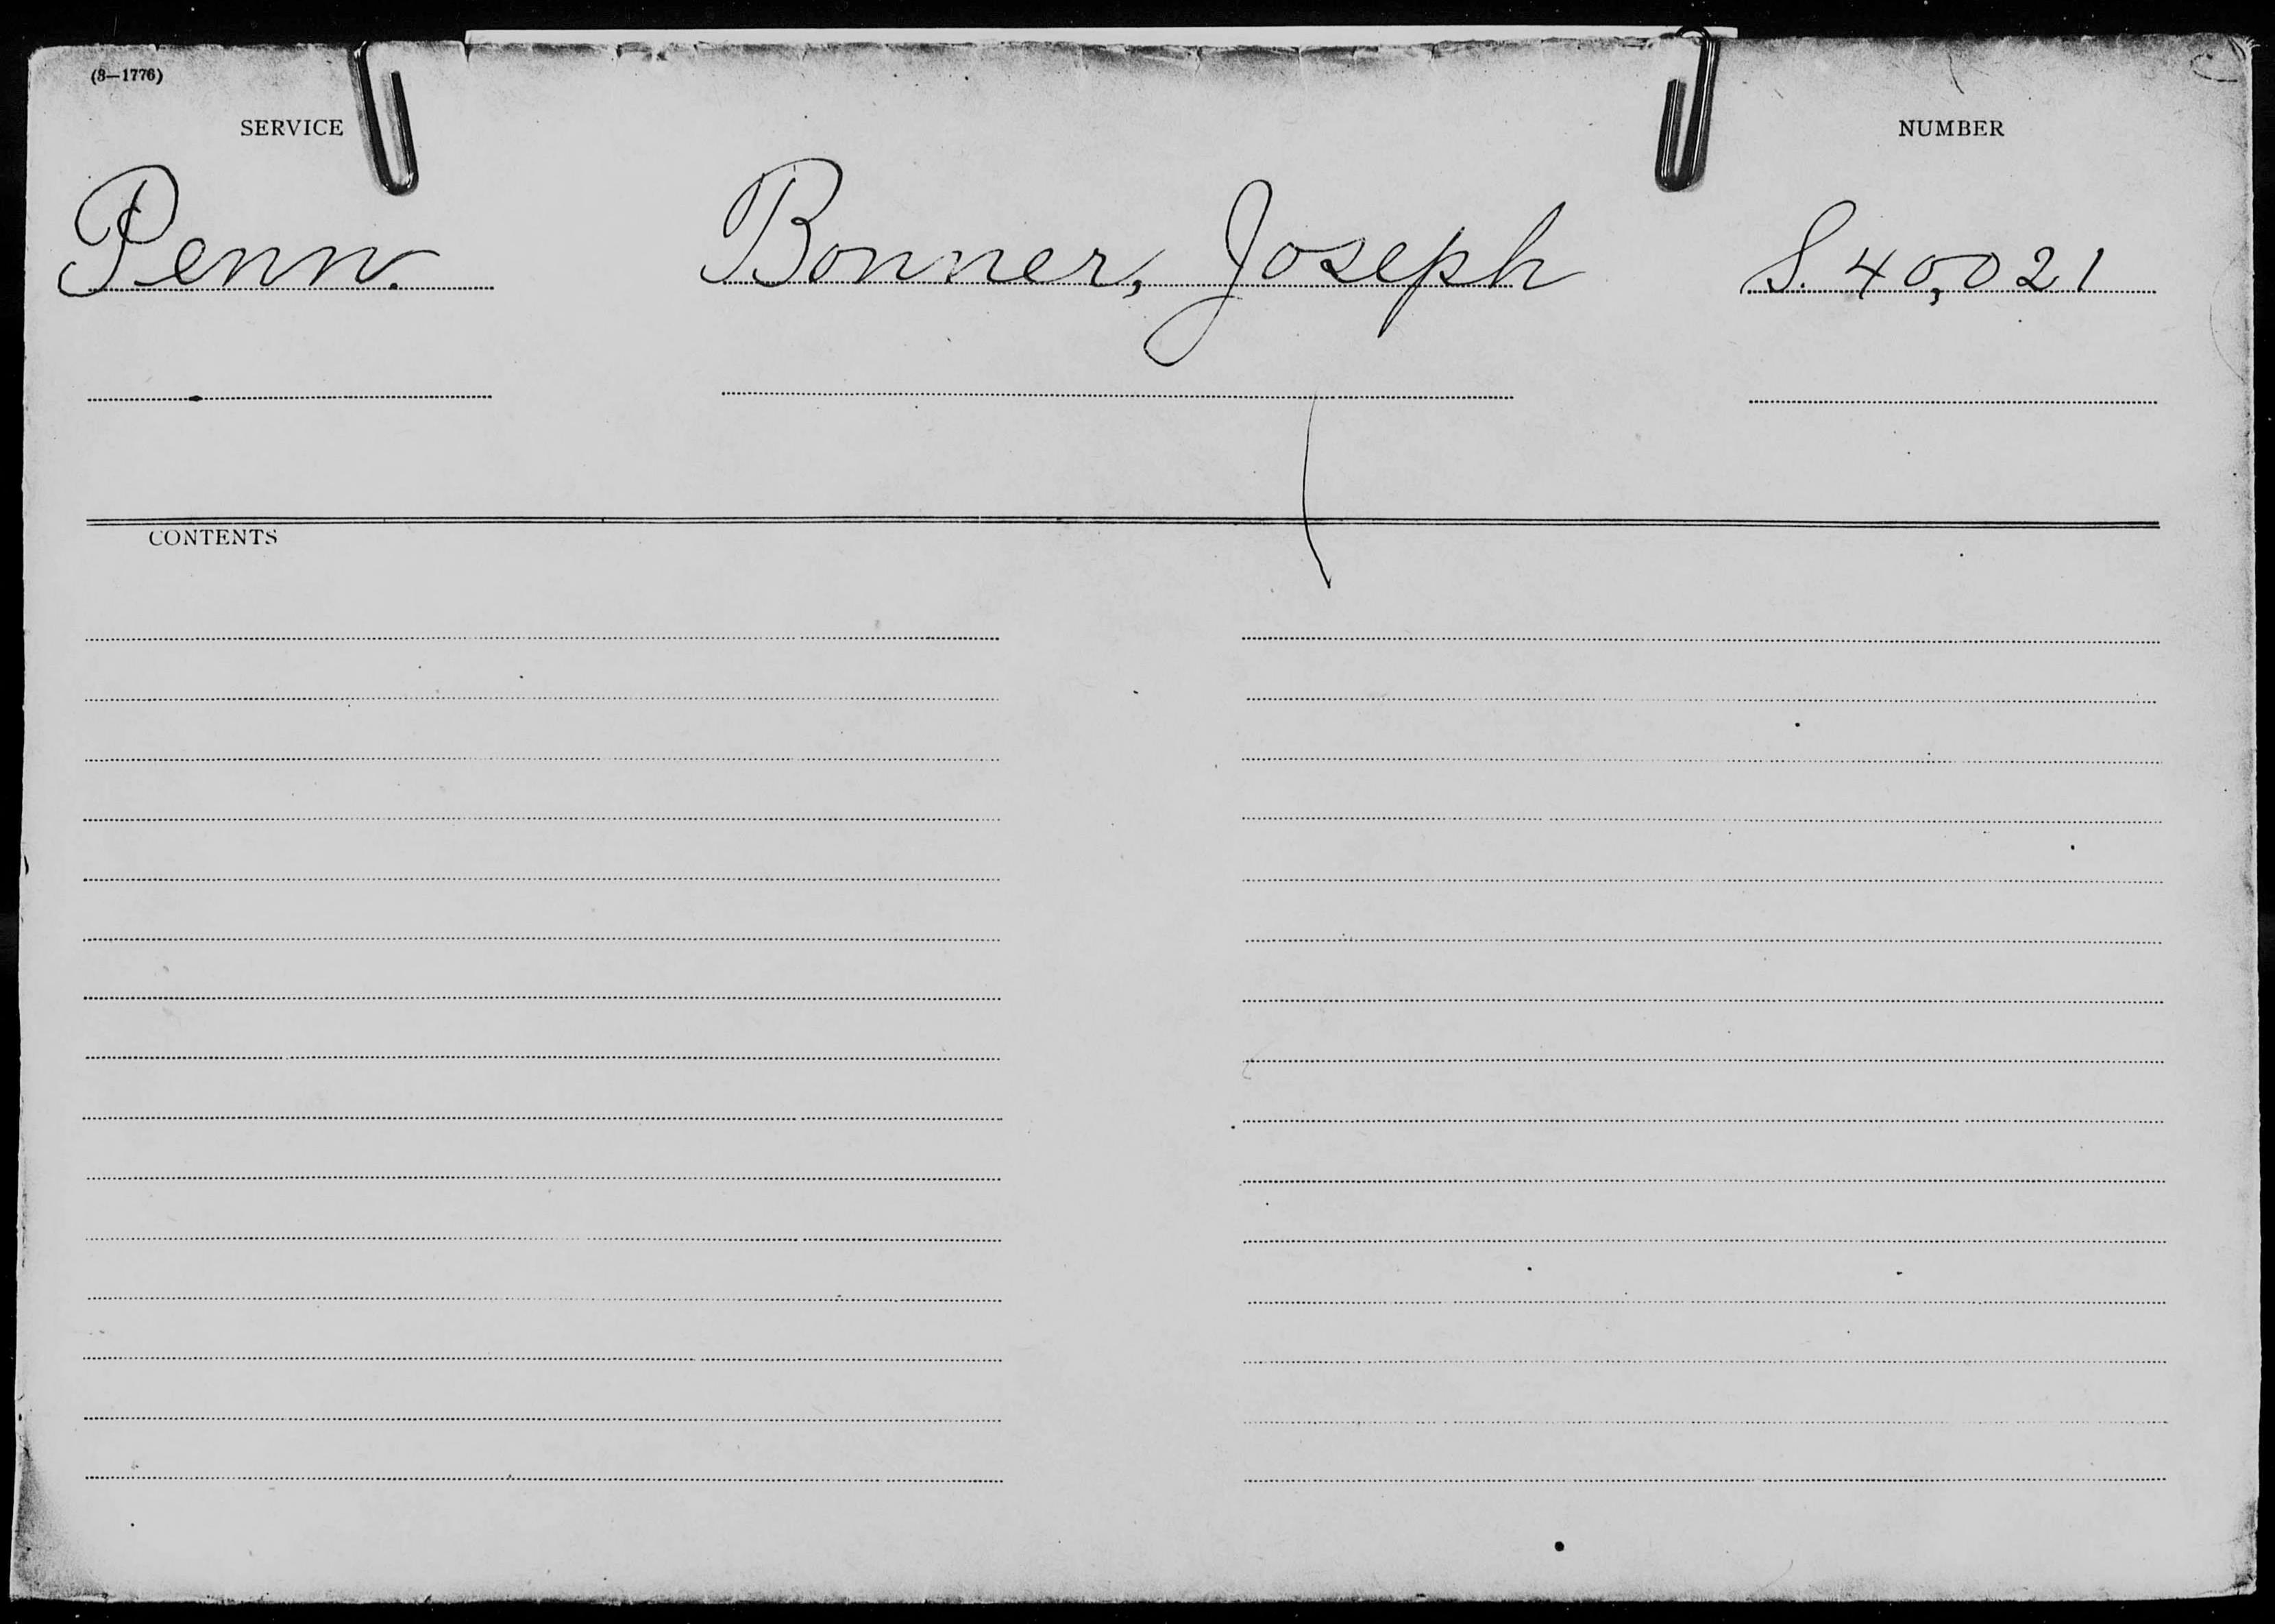SERVICE
Penn.

Bonner, Joseph

NUMBER
S40,021

CONTENTS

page: 1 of 20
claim: survivor's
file: S. 40,021, Joseph Bonner, Penn.